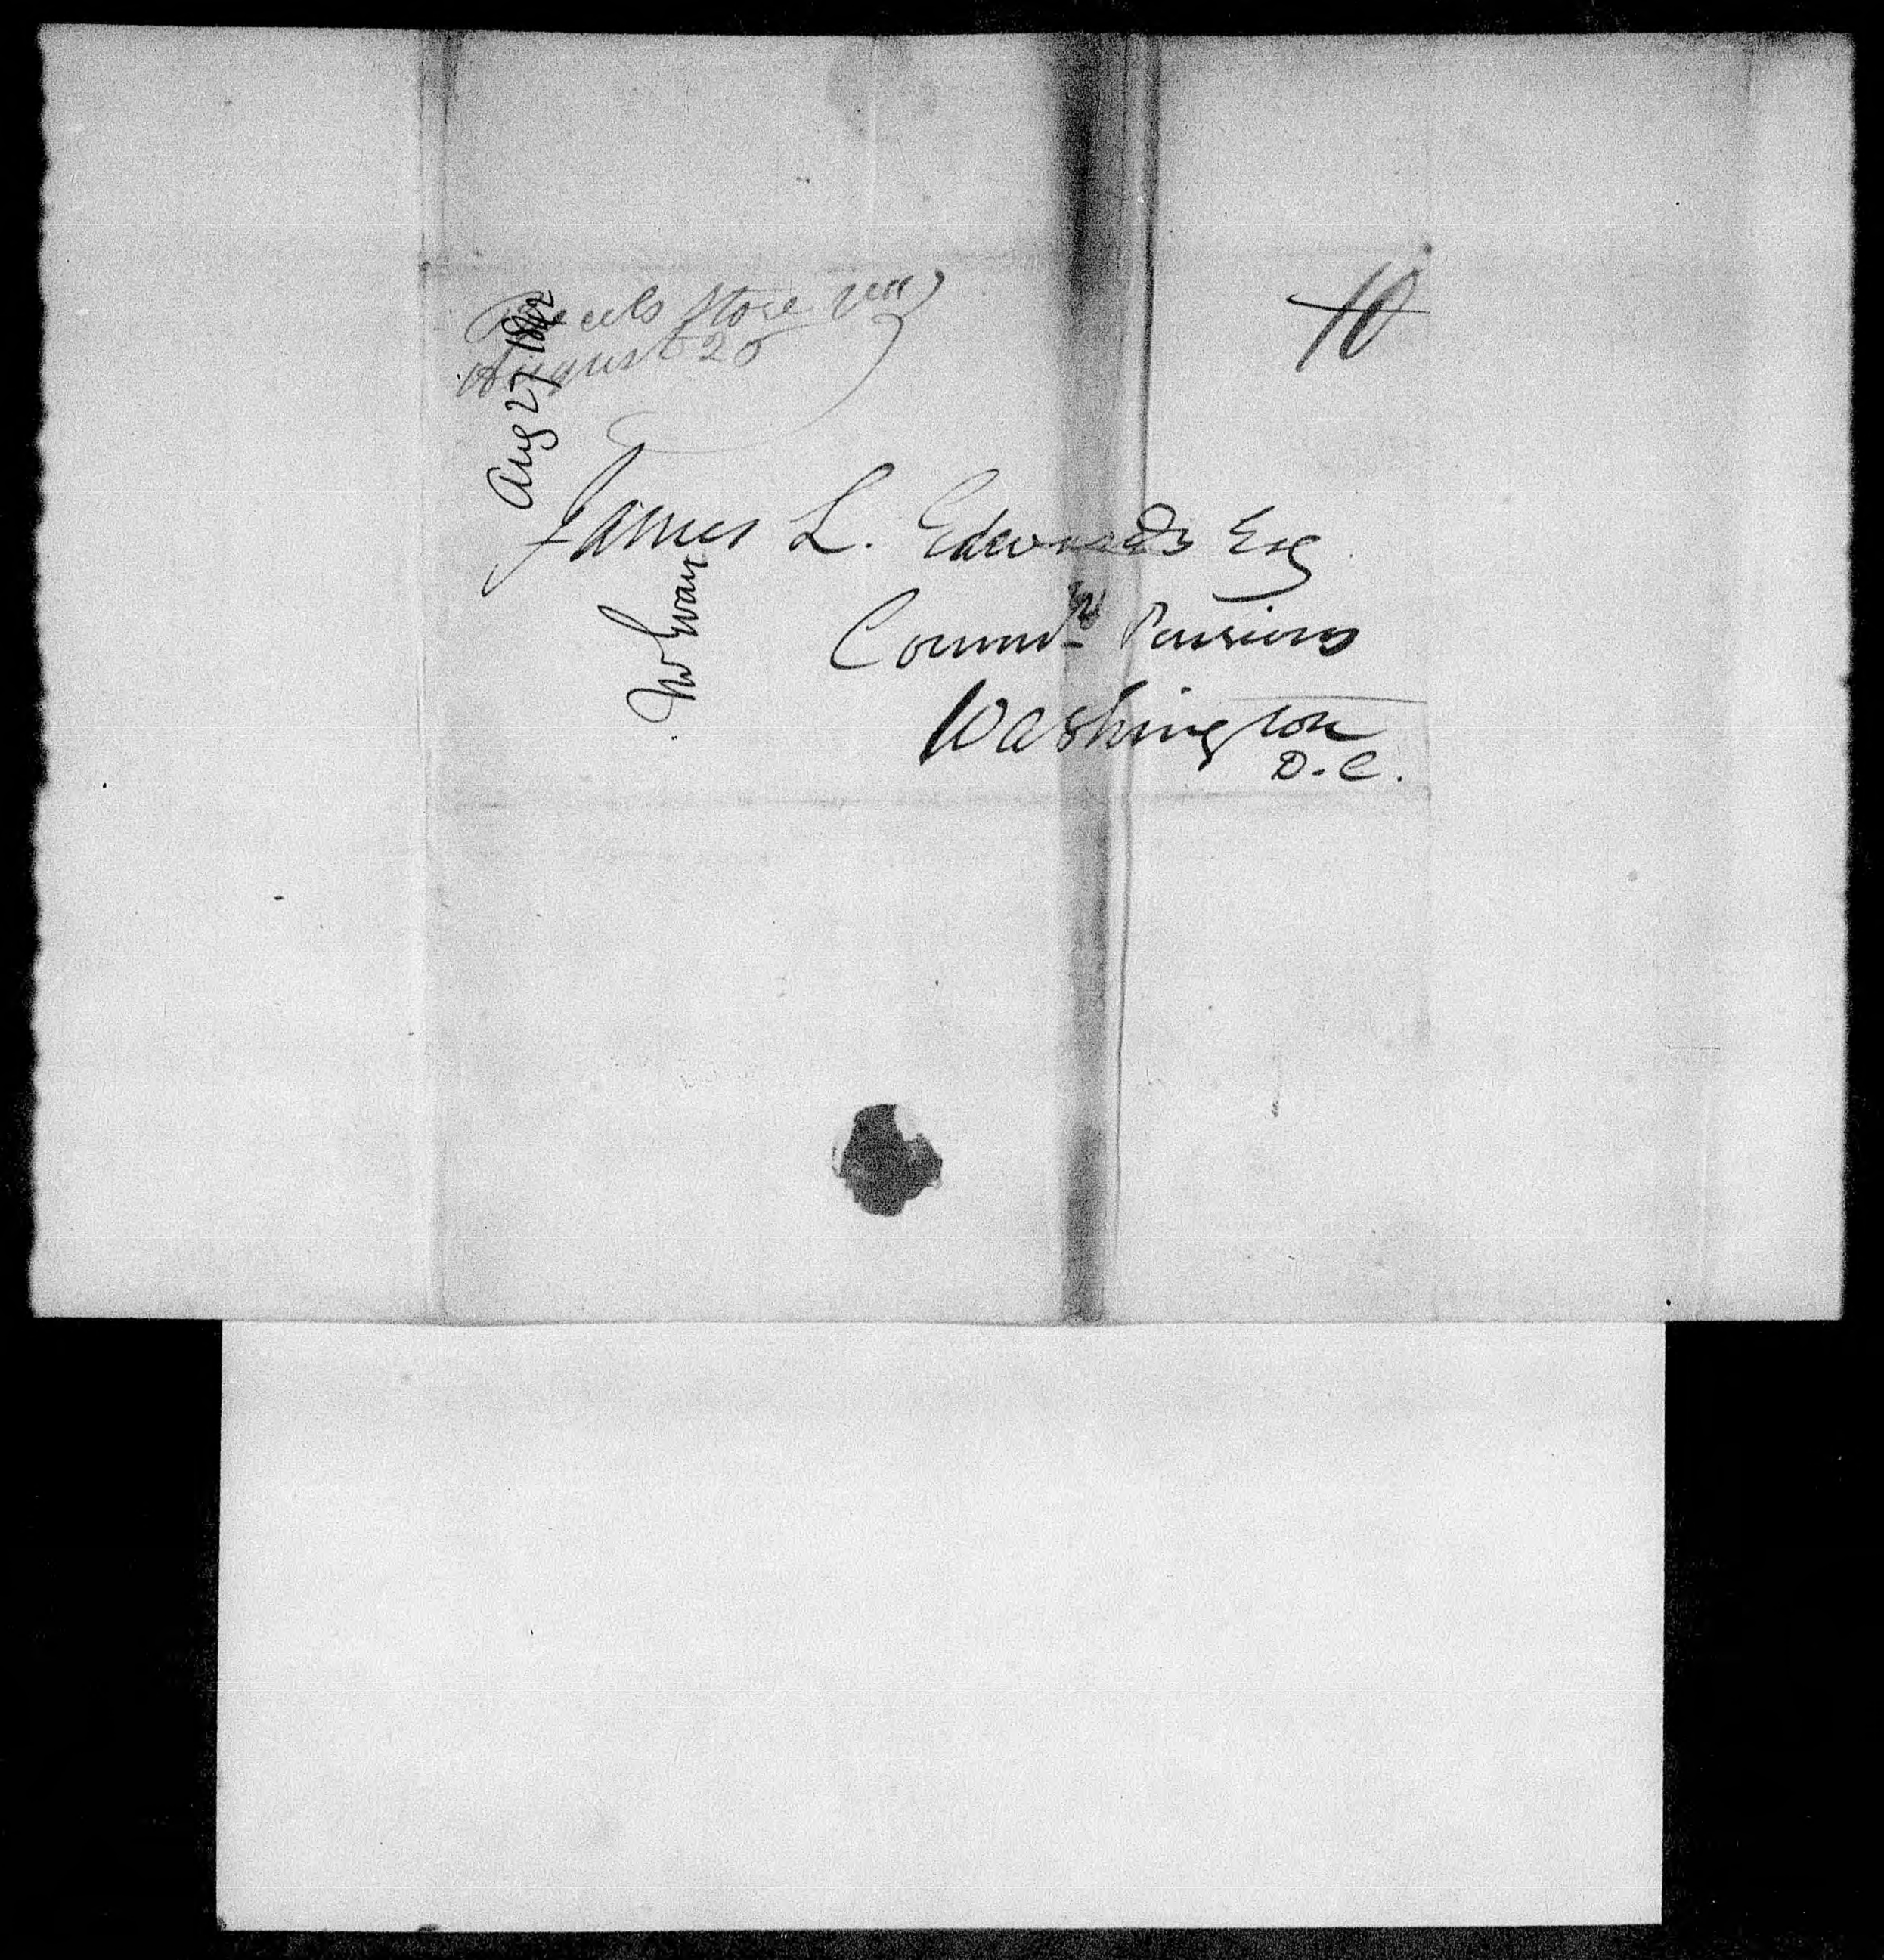as store
August 20
James L Edwards Esq
Commission of Pensions
Washington D.C.

[other illegible notes on envelope]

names: James L Edwards, Evans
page: 26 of 64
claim: survivor's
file: S. 6887, Peter Gideon, Md.